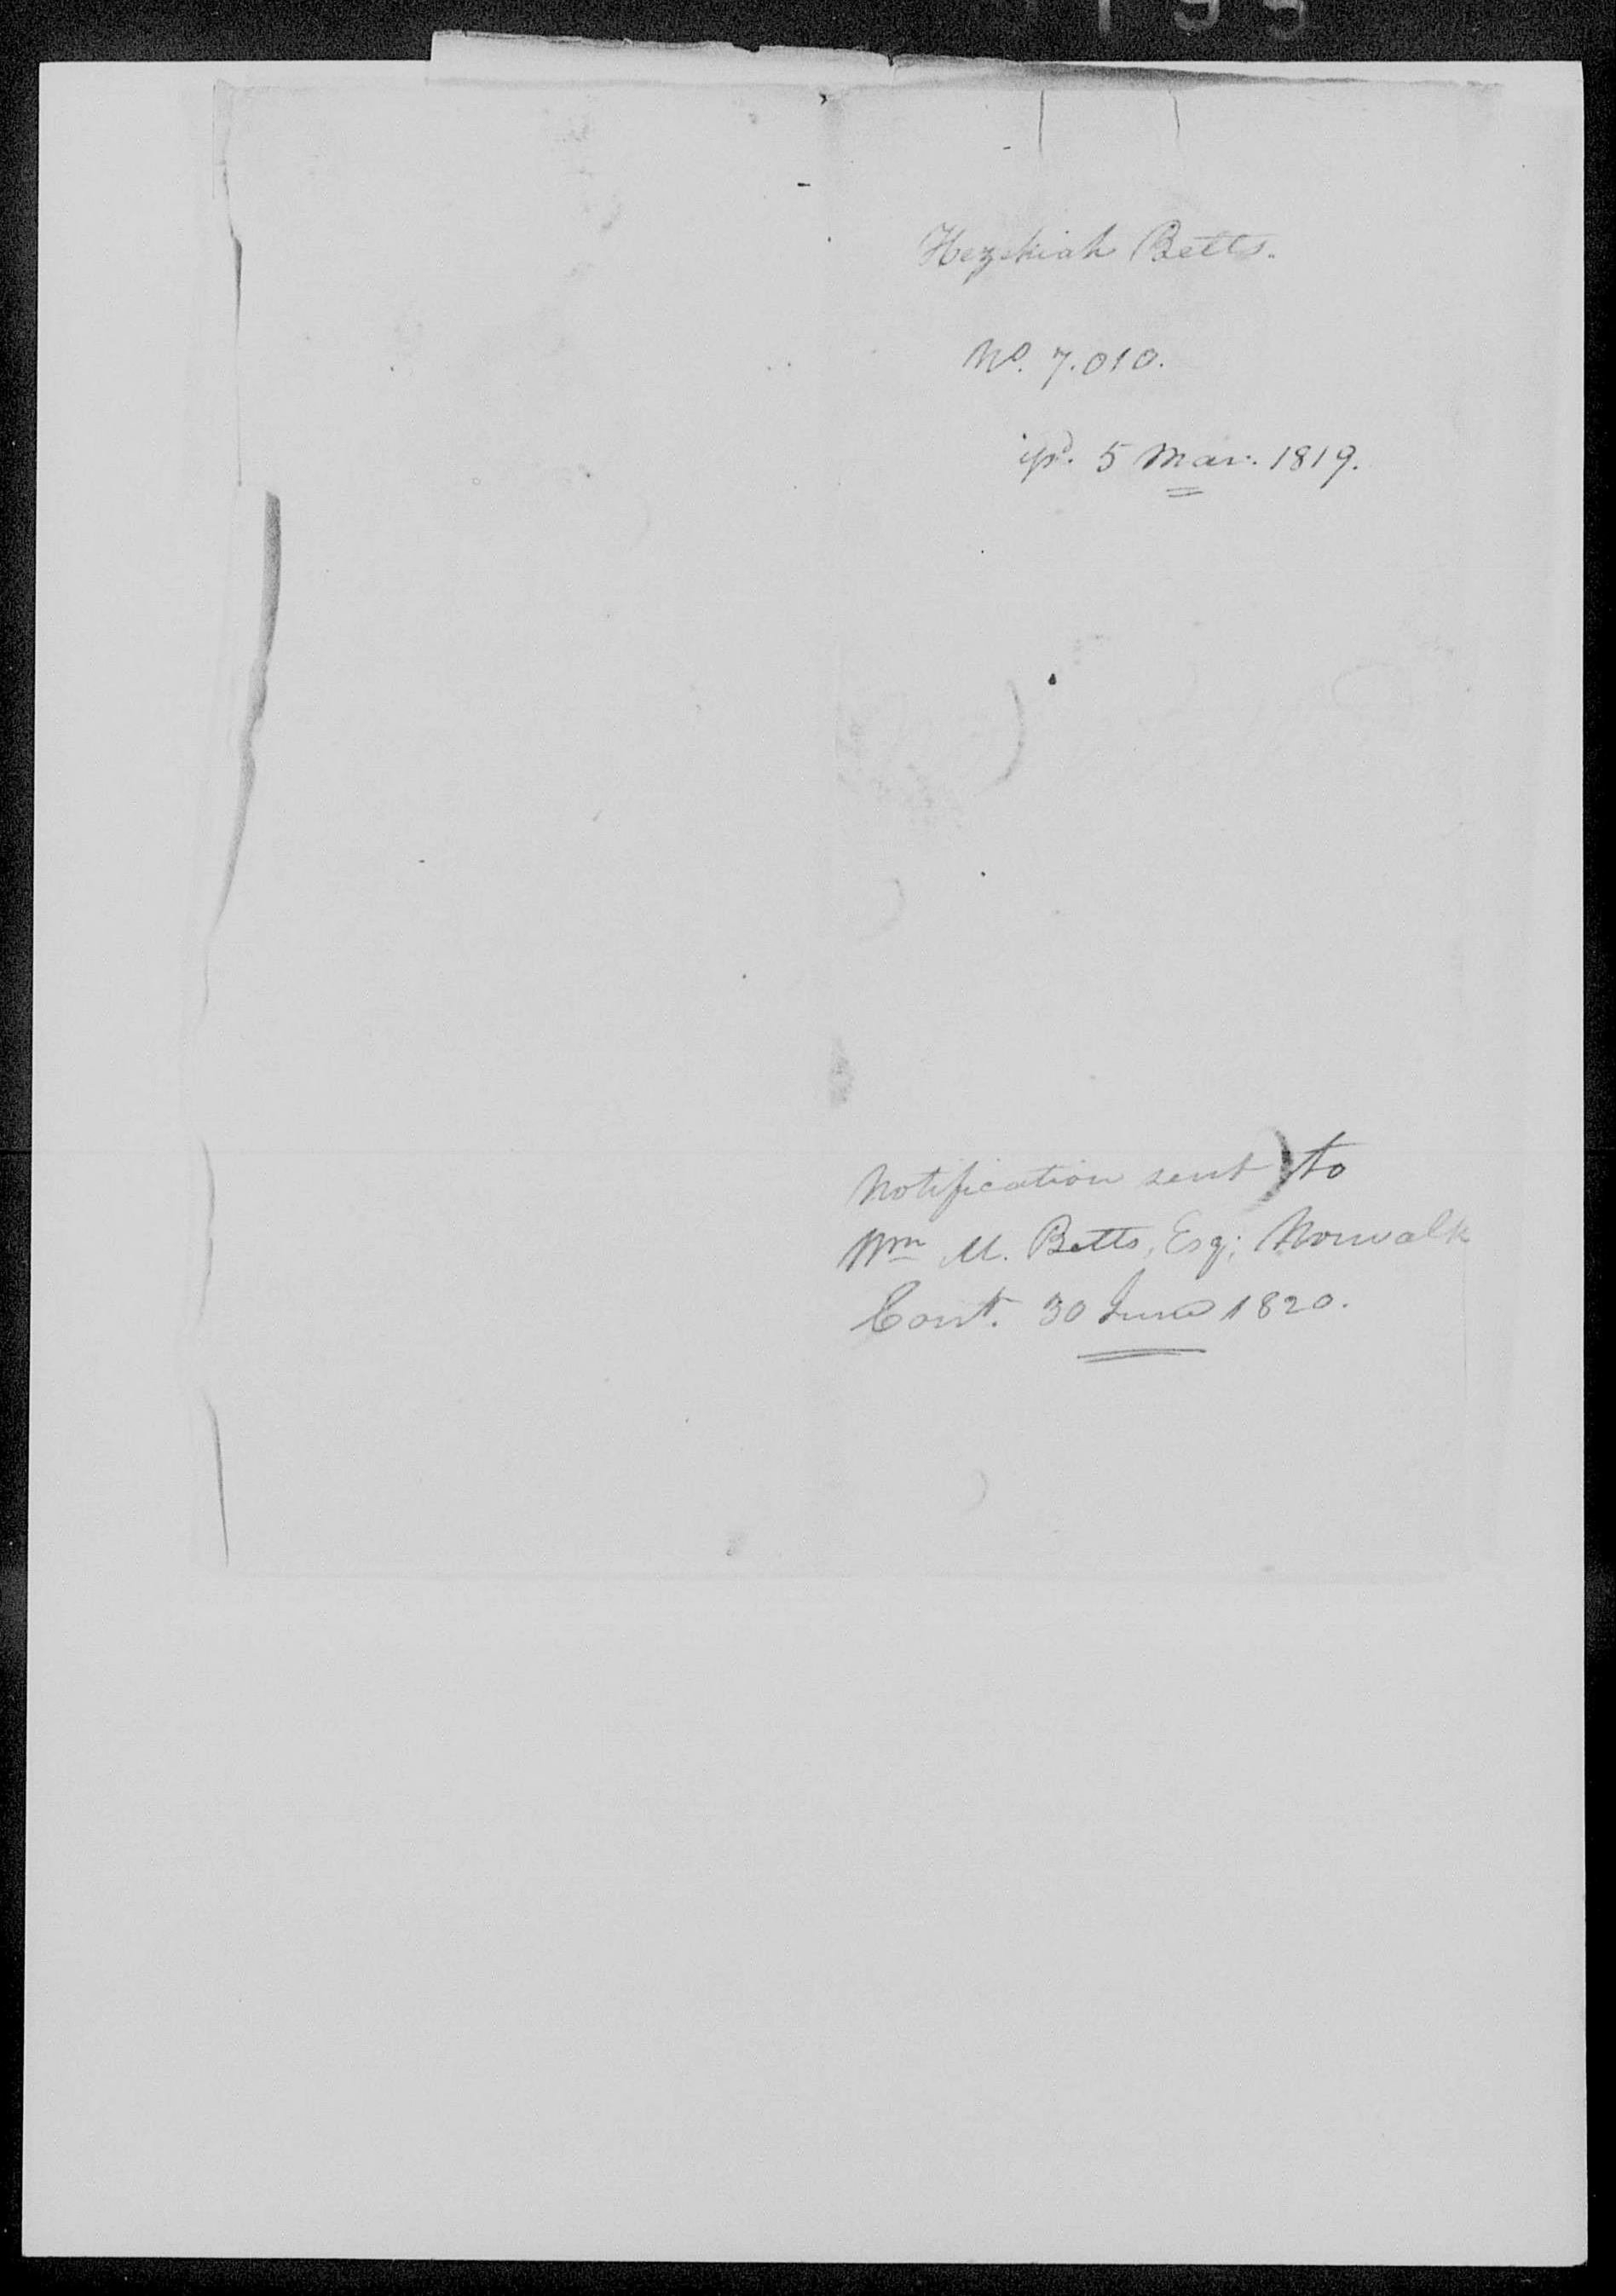Hezekiah Betts
No. 7010
issd 5 Mar. 1819



notification sent to
Wm M. Betts Esq; Norwalk
Cont. 30 June 1820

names: Hezekiah Betts, Wm M Betts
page: 43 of 61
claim: widow's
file: W. 29,929, Hezekiah Betts, Conn.